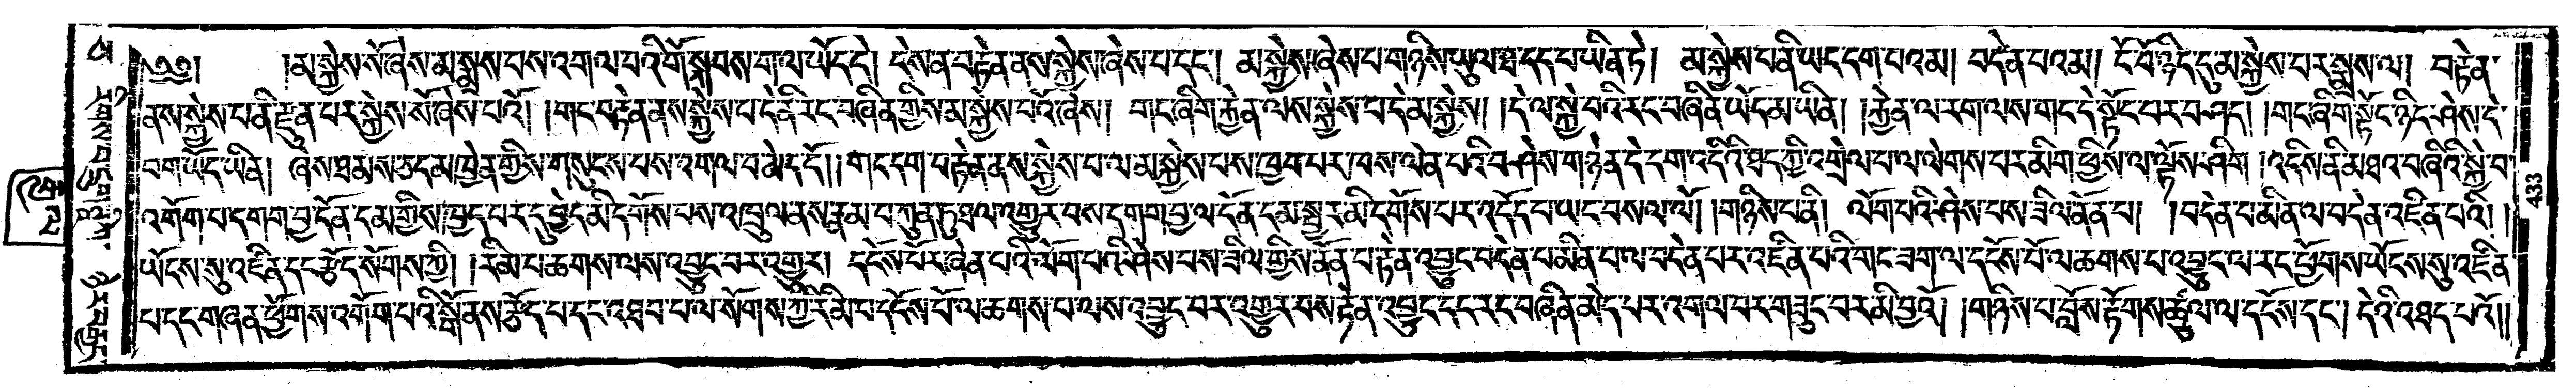༄༅། །མ་སྐྱེས་སོ་ཞེས་མ་སྨྲས་པས་འགལ་བའི་གོ་སྐབས་ག་ལ་ཡོད་དེ། དེས་ན་བརྟེན་ནས་སྐྱེས་ཞེས་པ་དང་། མ་སྐྱེས་ཞེས་པ་གཉིས་ཡུལ་ཐ་དད་པ་ཡིན་ཏེ། མ་སྐྱེས་པ་ནི་ཡང་དག་པའམ། བདེན་པའམ། ངོ་བོ་ཉིད་དུ་མ་སྐྱེས་པར་སྨྲས་ལ། བརྟེན་
ནས་སྐྱེས་པ་ནི་རྫུན་པར་སྐྱེས་སོ་ཞེས་པའོ། །གང་བརྟེན་ནས་སྐྱེས་པ་དེ་ནི་རང་བཞིན་གྱིས་མ་སྐྱེས་པའོ་ཞེས། གང་ཞིག་རྐྱེན་ལས་སྐྱེས་པ་དེ་མ་སྐྱེས། །དེ་ལ་སྐྱེ་བའི་རང་བཞིན་ཡོད་མ་ཡིན། །རྐྱེན་ལ་རག་ལས་གང་དེ་སྟོང་པར་བཤད། །གང་ཞིག་སྟོང་ཉིད་ཤེས་དེ་
བག་ཡོད་ཡིན། ཞེས་ཐམས་ཅད་མཁྱེན་གྱིས་གསུངས་པས་འགལ་བ་མེད་དོ། །གང་དག་བརྟེན་ནས་སྐྱེས་པ་ལ་མ་སྐྱེས་པས་ཁྱབ་པར་ཁས་ལེན་པའི་བཤེས་གཉེན་དེ་དག་འདིའི་ཐད་ཀྱི་འགྲེལ་པ་ལ་ལེགས་པར་མིག་ཕྱིས་ལ་ལྟོས་ཤིག །འདིས་ནི་མཐའ་བཞིའི་སྐྱེ་བ་
འགོག་པ་དགག་བྱ་དོན་དམ་གྱིས་ཁྱད་པར་དུ་བྱེད་མི་དགོས་པས་འཁྲུལ་ནས་རྣམ་པ་ཀུན་ཏུ་ཐལ་འགྱུར་བས་དགག་བྱ་ལ་དོན་དམ་སྦྱར་མི་དགོས་པར་འདོད་པ་ཡང་བསལ་ལོ། །གཉིས་པ་ནི། ལོག་པའི་ཤེས་པས་ཟིལ་ནོན་པ། །བདེན་པ་མིན་ལ་བདེན་འཛིན་པའི། །
ཡོངས་སུ་འཛིན་དང་རྩོད་སོགས་ཀྱི། །རིམ་པ་ཆགས་ལས་འབྱུང་བར་འགྱུར། དངོས་པོར་ཞེན་པའི་ལོག་པའི་ཤེས་པས་ཟིལ་གྱིས་ནོན་པ་རྟེན་འབྱུང་བདེན་པ་མིན་པ་ལ་བདེན་པར་འཛིན་པའི་གང་ཟག་ལ་དངོས་པོ་ལ་ཆགས་པ་འབྱུང་ལ་རང་ཕྱོགས་ཡོངས་སུ་འཛིན་
པ་དང་གཞན་ཕྱོགས་འགོག་པའི་སྒོ་ནས་རྩོད་པ་དང་འཐབ་པ་ལ་སོགས་ཀྱི་རིམ་པ་དངོས་པོ་ལ་ཆགས་པ་ལས་འབྱུང་བར་འགྱུར་བས་རྟེན་འབྱུང་དང་རང་བཞིན་མེད་པར་འགལ་བར་གཟུང་བར་མི་བྱའོ། །གཉིས་པ་བློས་རྟོགས་ཚུལ་ལ་དངོས་དང་། དེའི་འཐད་པའོ།།